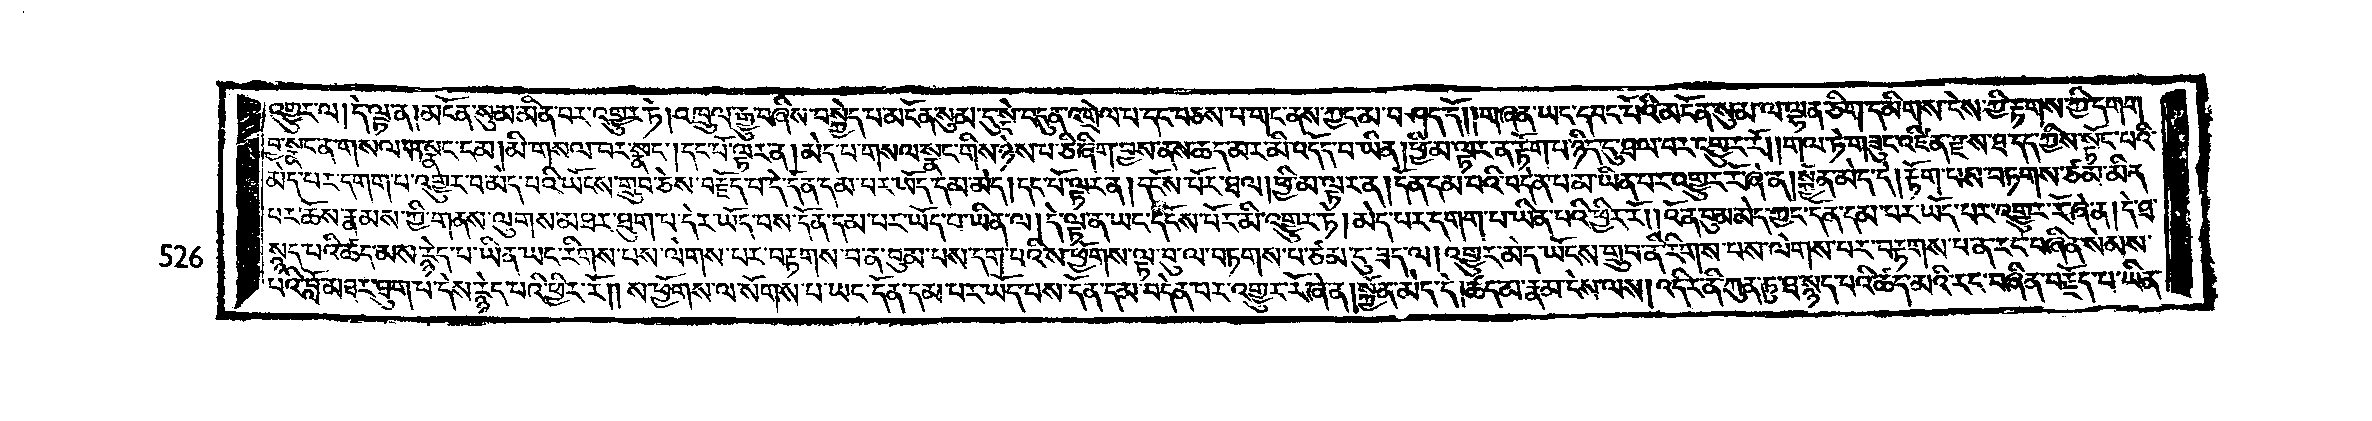འགྱུར་ལ། དེ་ལྟ་ན། མངོན་སུམ་མིན་པར་འགྱུར་ཏེ། འཁྲུལ་རྒྱུ་བཞིས་བསྐྱེད་པ་མངོན་སུམ་དུ་སྡེ་བདུན་འགྲེལ་པ་དང་བཅས་པ་གང་ནས་ཀྱང་མ་བཤད་དོ། །གཞན་ཡང་དབང་པོའི་མངོན་སུམ་ལ་ལྷན་ཅིག་དམིགས་ངེས་ཀྱི་རྟགས་ཀྱི་དགག་
བྱ་སྣང་ན་གསལ་བར་སྣང་ངམ། མི་གསལ་བར་སྣང་། དང་པོ་ལྟར་ན། མེད་པ་གསལ་སྣང་གིས་ཉེས་པ་ཅི་ཞིག་བྱས་ནས་ཚད་མར་མི་འདོད་པ་ཡིན། ཕྱི་མ་ལྟར་ན་རྟོག་པ་ཉིད་དུ་ཐལ་བར་འགྱུར་རོ། །གལ་ཏེ་གཟུང་འཛིན་རྫས་ཐ་དད་ཀྱིས་སྟོང་པའི་
མེད་པར་དགག་པ་འགྱུར་བ་མེད་པའི་ཡོངས་གྲུབ་ཅེས་བརྗོད་པ་དེ་དོན་དམ་པར་ཡོད་དམ་མེད། དང་པོ་ལྟར་ན། དངོས་པོར་ཐལ། ཕྱི་མ་ལྟར་ན། དོན་དམ་པའི་བདེན་པ་མ་ཡིན་པར་འགྱུར་རོ་ཞེ་ན། སྐྱོན་མེད་དེ། རྟོག་པས་བཏགས་ཙམ་མིན་
པར་ཆོས་རྣམས་ཀྱི་གནས་ལུགས་མཐར་ཐུག་པ་དེར་ཡོད་པས་དོན་དམ་པར་ཡོད་པ་ཡིན་ལ། དེ་ལྟ་ན་ཡང་དངོས་པོར་མི་འགྱུར་ཏེ། མེད་པར་དགག་པ་ཡིན་པའི་ཕྱིར་རོ། །འོ་ན་བུམ་མེད་ཀྱང་དོན་དམ་པར་ཡོད་པར་འགྱུར་རོ་ཞེ་ན། དེ་ཐ་
སྙད་པའི་ཚད་མས་རྙེད་པ་ཡིན་ཡང་རིགས་པས་ལེགས་པར་བརྟགས་པ་ན་བུམ་པས་དག་པའི་ས་ཕྱོགས་ལྟ་བུ་ལ་བཏགས་པ་ཙམ་དུ་ཟད་ལ། འགྱུར་མེད་ཡོངས་གྲུབ་ནི་རིགས་པས་ལེགས་པར་བརྟགས་པ་ན་རང་བཞིན་སེམས་
པའི་བློ་མཐར་ཐུག་པ་དེས་རྙེད་པའི་ཕྱིར་རོ། །ས་ཕྱོགས་ལ་སོགས་པ་ཡང་དོན་དམ་པར་ཡོད་པས་དོན་དམ་བདེན་པར་འགྱུར་རོ་ཞེ་ན། སྐྱོན་མེད་དེ། ཚད་མ་རྣམ་ངེས་ལས། འདིར་ནི་ཀུན་ཏུ་ཐ་སྙད་པའི་ཚད་མའི་རང་བཞིན་བརྗོད་པ་ཡིན་